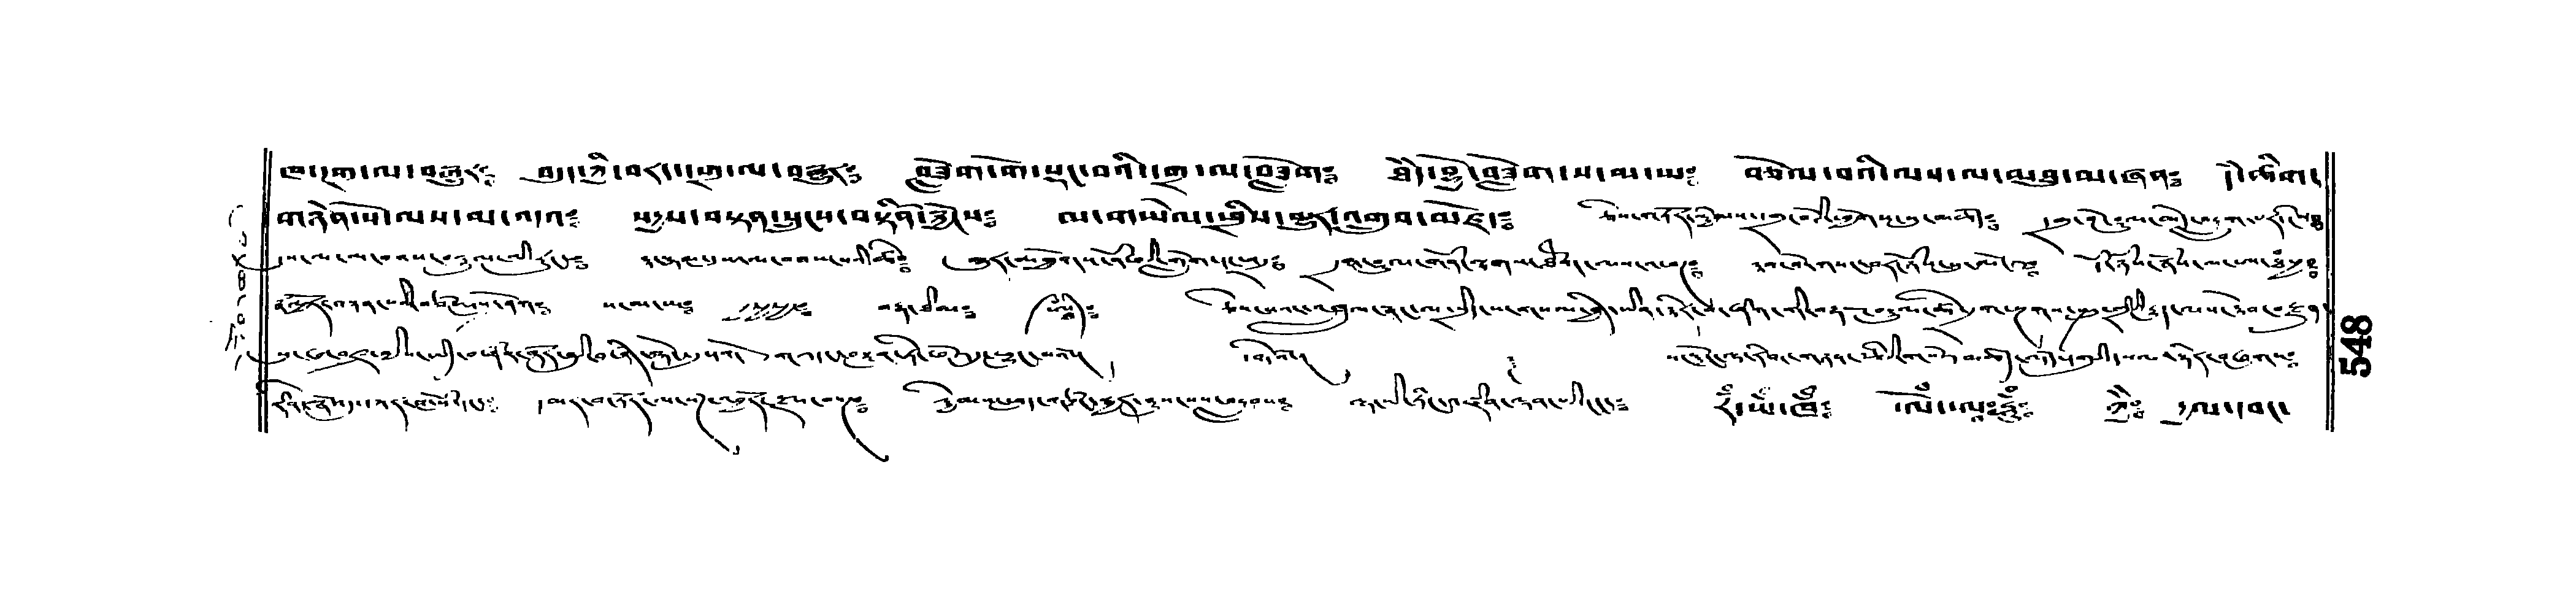ཁ་དགྲ་ལ་སྒྱུར༔ བདུད་ཀྱི་བར་ཆད་དགྲ་ལ་སྒྱུར༔ བཟློག་གོ་སྡང་བའི་དགྲ་ལ་བཟློག༔ ཐམས་ཅད་བྷྱོ་བཟློག་ས་མ་ཡ༔ བཅོལ་བའི་ལས་ལ་མཐུ་མ་ཞན༔ དམ་ཚིག་
གཉེན་པོ་ལས་མ་འདའ༔ སངས་རྒྱས་བསྟན་སྲུངས་བསྟན་འཛིན་སྐྱོངས༔ མ་གཡེལ་ཕྲིན་ལས་མྱུར་འགྲུབ་མཛོད༔ ཅེས་གཏོར་སྐྱེམས་དགྲ་བོའི་ཕྱོགས་སུ་མཆོད༔ དགྲ་བོ་ཤུལ་མེད་བརླག་པར་ངེས༔ 
དུས་ལ་མ་བབས་བསྐུལ་མི་རུང༔ ཟ་སྐམ་དུས་ལ་བབས་པའི་ཚེ༔ མྱུར་མགྱོགས་ནམ་མཁའི་གློག་དང་འདྲ༔ དྲག་ཤུལ་གནམ་ལྕགས་ཐོག་ལས་འཕགས༔ ཟབ་བོ་གསང་བར་ཉམས་སུ་ལོངས༔ དམ་ཉམས་རྣམས་ལ་ཨ་ཐཾ་རྒྱ༔ 
རྣལ་འབྱོར་བསྟན་པའི་བཅས་སུ་ཤོག༔ ས་མ་ཡ༔ རྒྱ་རྒྱ་རྒྱ༔ བརྡ་ཐིམ༔ ༔ ཅེས་པའང་འཁྲུལ་སྣང་ལ་སྲིད་པ་གསལ་བྱེད་ཡིན་ཟེར་བ་ཞིག་གིས་བརྡས་བསྐུལ་ཚེ་དྲག་སྔགས་སྤུ་གྲིའི་རྒྱུད་ལས་ཟོབ་བརྫུན་
སུ་ཁ་བཛྲ་གྱིས་ཡིད་བཞིན་ནོར་བུའི་བཞེད་སྐོང་དུ་དགོས་གལ་དང་བསྟུན་ཏེ་ཁོལ་དུ་ཕྱུང་བའོ།། དགེའོ།། ས་སྐྱོང་ལྷ་རེག་གཉན་རྩེའི་གསོལ་མཆོད་འདོད་དགུའི་དཔལ་སྟེར་བཞུགས༔ 
རིན་ཆེན་སྣོད་དུ་དཀར་གསུམ་དང༔ དམར་གཏོར་ལ་སོགས་འབྱོར་རྫས་བསགས༔ སྐྱེམས་ཕུད་གཙང་སྦྱར་ནུས་པས་བརླབས༔ ལྷ་ཡི་ཏིང་འཛིན་ལྡན་པའི་ངང༔ རྃ་ཡྃ་ཁྃ༔ ཨོཾ་ཨཱཿཧཱུྃ༔ ཀྱཻ༔ རྒྱལ་དབང་